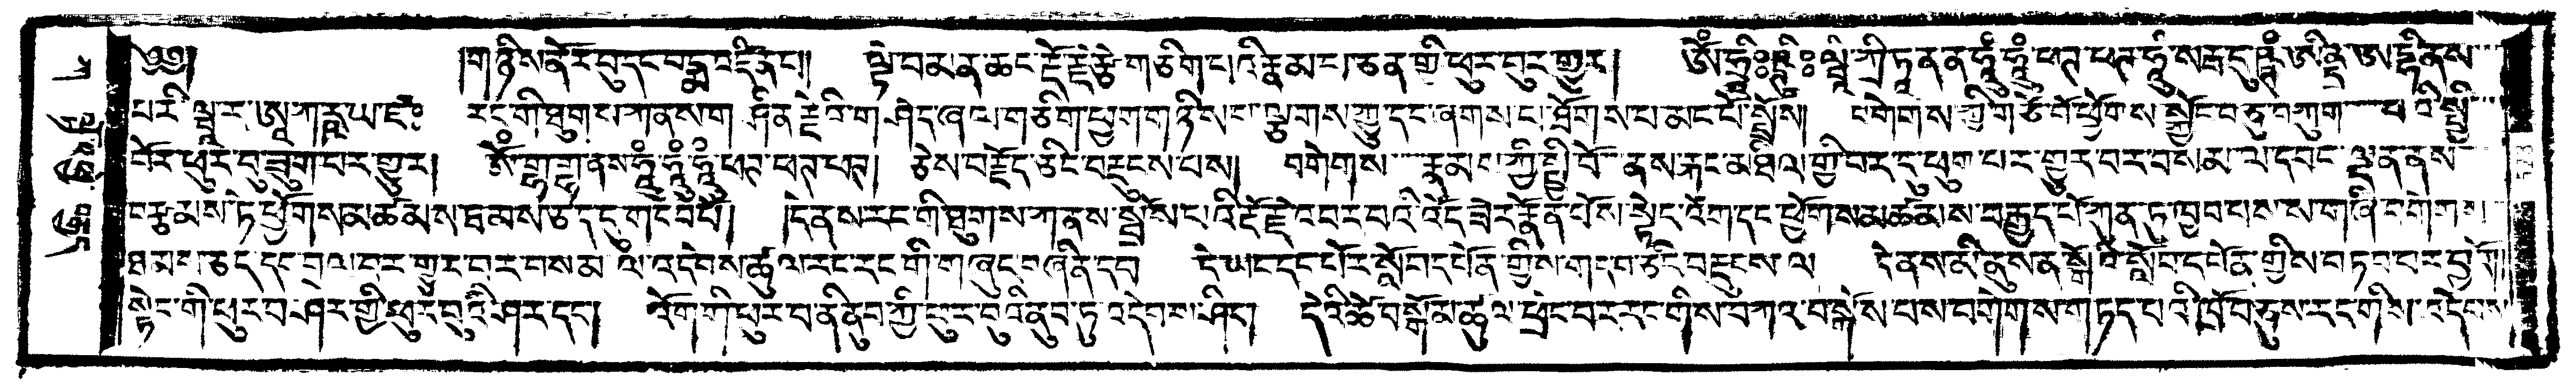༄༅། །གཉིས་ནོར་བུ་དང་པདམ་འཛིན་པ། ལྟེ་བ་མན་ཆང་རྡོ་རྗེ་རྩེ་གཅིག་པའི་རྣམ་པ་ཅན་གྱི་ཕུར་བུར་གྱུར། ཨོཾ་ཧྲཱིཿ ཥྚཱིཿ ལྦཱི་ཀྲི་ཏཱ་ན་ན་ཧཱུཾ་ཧཱུཾ་ཕཊ་ཕཊ་ཧཱུཾ་སརྦ་དུ་ཥྚཾ་ཨིནྡྲ་ཨ་དྷི་ནས་
པ་རི་ལྦཱ་ར་ཨཱ་ཀརྵ་ཡ་ཛཿ རང་གི་ཐུགས་ཀ་ནས་གཤིན་རྗེའི་གཤེད་ཞལ་གཅིག་ཕྱག་གཉིས་པ་ལྕགས་ཀྱུ་དང་ཞགས་པ་ཐོགས་པ་མང་པོ་སྤྲོས། བགེགས་ཀྱི་གཙོ་བོ་ཕྱོགས་སྐྱོང་བཅུ་བཀུག་པའི་སྤྱི་
བོར་ཕུར་བུ་ཟུག་པར་གྱུར། ཨོཾ་གྷ་གྷ་ནས་ཧཱུཾ་ཧཱུཾ་ཧཱུཾ་ཕཊ་ཕཊ་ཕཊ། ཅེས་བརྗོད་ཅིང་བརྡུངས་པས། བགེགས་རྣམ་པ་ཀྱི་སྤྱི་བོ་ནས་རྐང་མཐིལ་གྱི་བར་དུ་ཕུག་པར་གྱུར་བར་བསམ་ལ་དབང་ལྡན་ནས་
བརྩམ་ཏེ་ཕྱོགས་མཚམས་ཐམས་ཅད་དུ་གང་བ་པོ། །དེ་ནས་རང་གི་ཐུགས་ཀ་ནས་སྤྲོས་པའི་རྡོ་རྗེ་འབར་བའི་འོད་ཟེར་རྣོན་པོས་སྟེང་འོག་དང་ཕྱོགས་མཚམས་བརྒྱད་པོ་ཀུན་ཏུ་ཁྱབ་བས་ས་གཞི་བགེགས་
ཐམས་ཅད་དང་བྲལ་བར་གྱུར་བར་བསམ་ལ་འདེབས་ཚུལ་རང་རང་གི་གཞུང་བཞིན་དང་། དེ་ཡང་དང་པོར་སློབ་དཔོན་གྱིས་གདབ་ཅིང་བརྡུངས་ལ་དེ་ནས་མི་ནུས་ན་སྒོའི་སློབ་དཔོན་གྱིས་བཏབ་བར་བྱའོ།
སྟེང་གི་ཕུར་བ་ཤེར་གྱི་ཕུར་བུའི་ཤར་དང་། འོག་གི་ཕུར་བ་ནི་ནུབ་ཀྱི་ཕུར་བུའི་ནུབ་ཏུ་འདེབས་ཤིང་། དེའི་ཚེ་བསྒོམ་ཚུལ་ཕྲེང་བར་རང་གིས་བཀའ་བསྐོས་པས་བགེགས་གཏད་པའི་ཁྲོ་བཅུས་རང་གིས་འདེབས་